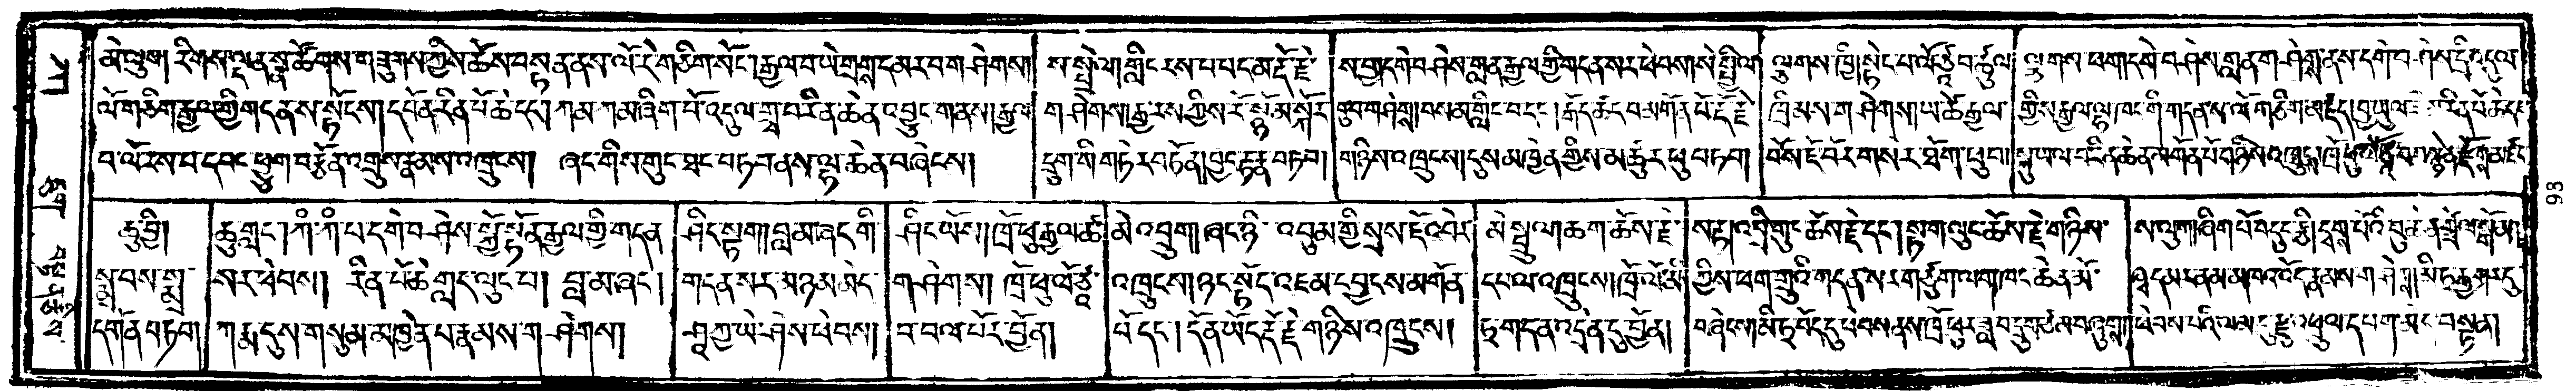༄༅། །མེ་ལུས། རིགས་ལྡན་སྣ་ཚོགས་གཟུགས་ཀྱིས་ཆོས་བསྟན་ནས་ལོ་རེ་གཅིག་སོང་། རྒྱལ་བ་ཡེ་གྲགས་དམར་བ་གཤེགས་ས་སྤྲེལ། གླིང་རས་པ་པད་མ་རྡོ་རྗེ་ས་བྱ། དགེ་བཤེས་གླན་རྒྱལ་གྱི་གདན་སར་ཕེབས། སེ་སྤྱིལ་ལྕགས་ཀྱི། སྟེང་པ་ལོཙཱབ་ཚུལ་ལྕགས་བག། དགེ་བཤེས་གླན་གཤེགས་ནས་དགེ་བཤེས་དྲི་འདུལ་
ལོ་གཅིག་རྒྱལ་གྱི་གདན་ས་སྟོངས། དཔོན་རིན་པོ་ཆེ་དང་། ཀམ་ཀམ་ཞིག་པོ་འདུལ་གྲྭ་བ་རིན་ཆེན་འབྱུང་གནས། རྒྱལ་གཤེགས་རྒྱ་རས་ཀྱིས་རོ་སྙོམ་སྐོར་བུབ?་གཤེགས། བསམ་གླིང་བ་དང་། རྒོད་ཚད་བ་མགོན་པོ་རྡོ་རྗེ་ཁྲིམས་གཤེགས། ཡ་ཚེ་རྒྱལ་གྱིས་རྒྱལ་ལྷ་ཁང་གི་གདན་ས་ལོ་གཅིག་མཛད། བྱ་ཡུལ་?་རིན་པོ་ཆེ་དང་
པ་ལོ་རས་པ་དབང་ཕྱུག་བརྩོན་འགྲུས་རྣམས་འཁྲུངས། ཞང་གིས་གུང་ཐང་བཏབ་ནས་ལྷ་ཆེན་བཞེངས། དྲུག་གི་གཏེར་བཏོན། བྱང་རྟན་བཏབ། གཉིས་འཁྲུངས། དུས་མཁྱེན་གྱིས་མཚུར་ཕུ་བཏབ། བོས་ཇོ་བོར་གསར་ཐོག་ཕུབ། སྐུ་ཡལ་བ་རིན་ཆེན་མགོན་པོ་གཉིས་འཁྲུངས་ཁྲོ་བུ་ལོ?་ནཱ?་བ་བསྙེན་རྫོགས་མཛད་
ཆུ་བྱི། ཆུ་གླང་། ཀཾ་ཀཾ་པ་དགེ་བཤེས་སྐྱོ་སྟོན་རྒྱལ་གྱི་གདན་ཤིང་སྟག། བླ་མ་ཞང་གི་ཤིང་ཡོས། ཁོར་ཕུ་རྒྱལ་ཚ་མེ་འབྲུག་ཞང་ཉི་འབུམ་གྱི་སྲས་ཇོ་འབེར་མེ་སྦྲུལ། ཆག་ཆོས་རྗེ་ས་རྟ། འབྲུ་གུང་ཆོས་རྗེ་དང་། སྟག་ལུང་ཆོས་རྗེ་གཉིས། ས་ལུ་གཞིག་པོ་བདུང་རྩི། དྭགས་པོའི་བུ་ཆེན་གྲོལ?་བསྒོམ་
སྨྲ་བས་སྨྲ་སར་ཕེབས། རིན་པོ་ཆེ་གླང་ལུང་པ། བླ་མ་ཞང་། གདན་སར་མཉམ་མེད་གཤེགས། ཁྲོ་ཕུ་ལོ་ཙཱ་འཁྲུངས། ཉང་སྟོད་འཇམ་དབྱངས་མགོན་དཔལ་འཁྲུངས། ཁྲོ་ལོ་མི་ཀྱིས་ཕག་གྲུའི་གདན་སར་གཙུག་ལག་ཁང་ཆེན་མོ་ཞྭ་དམར་ནམ་མཁའ་འོད་རྣམས་གཤེགས། མི་ཏ་རྒྱ་གར་དུ་
དགོན་བཏབ། ཀརྨ་དུས་གསུམ་མཁྱེན་པ་རྣམས་གཤེགས། ཤཱཀྱ་ཡེ་ཤེས་ཕེབས། བ་བལ་པོར་བྱོན། པོ་དང་། དོན་ཡོད་རྡོ་རྗེ་གཉིས་འཁྲུངས། ཏྲ་གདན་འདྲེན་དུ་བྱོན། བཞེངས། མི་ཏྲ་བོད་དུ་ཕེབས་ནས་ཁྲོ་ཕུར་ཟླ་བ་དྲུག་ཙམ་བཞུགས། ཕེབས་པའི་ལམ་དུ་རྫུ་འཕྲུལ་དཔག་མེད་བསྟན།